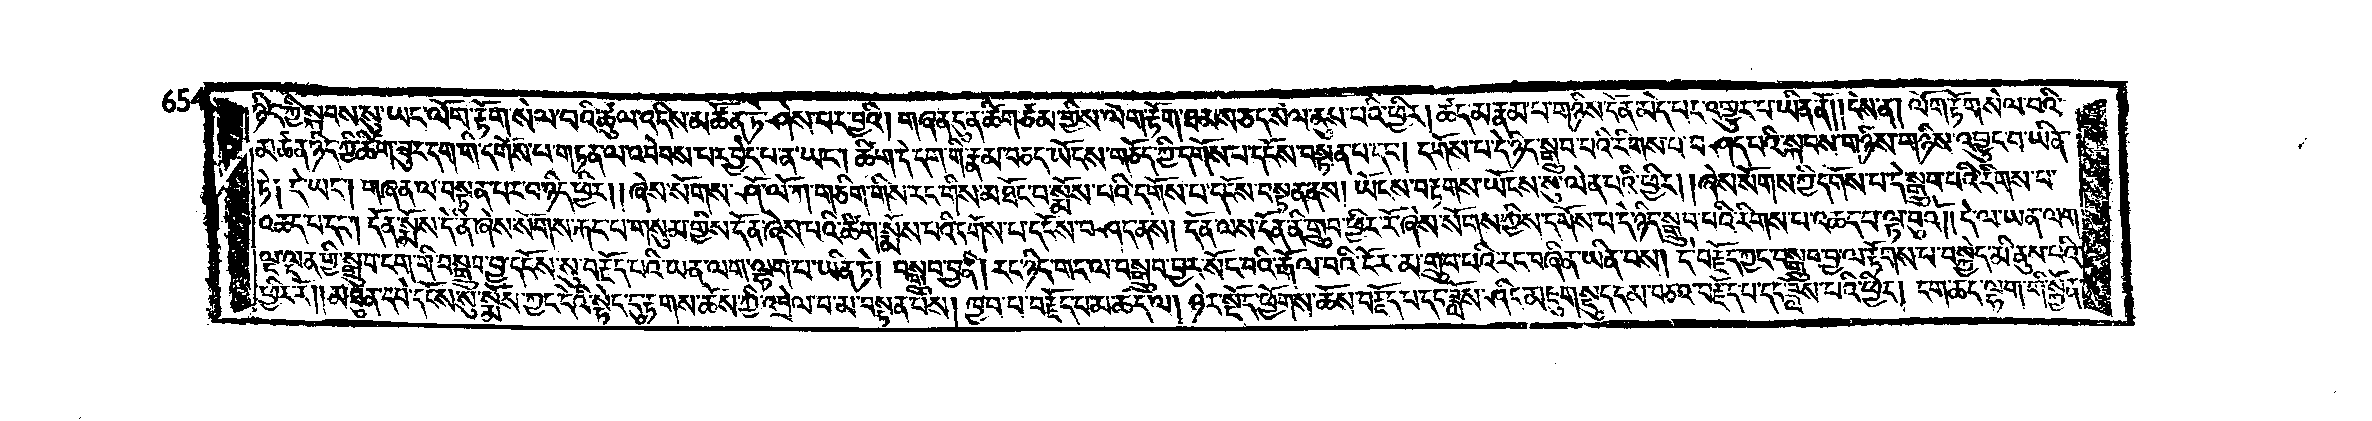ཉིད་ཀྱི་སྐབས་སུ་ཡང་ལོག་རྟོག་སེལ་བའི་ཚུལ་འདིས་མཚོན་ཏེ་ཤེས་པར་བྱའི། གཞན་དུ་ན་ཚིག་ཙམ་གྱིས་ལོག་རྟོག་ཐམས་ཅད་སེལ་ནུས་པའི་ཕྱིར། ཚད་མ་རྣམ་པ་གཉིས་དོན་མེད་པར་འགྱུར་བ་ཡིན་ནོ། །དེས་ན། ལོག་རྟོག་སེལ་བའི་
མཚན་ཉིད་ཀྱི་ཚིག་ཟུར་དག་གི་དགོས་པ་གཏན་ལ་འབེབས་པར་བྱེད་པ་ན་ཡང་། ཚིག་དེ་དག་གི་རྣམ་བཅད་ཡོངས་གཅོད་ཀྱི་དགོས་པ་དངོས་བསྟན་པ་དང་། དགོས་པ་དེ་ཉིད་སྒྲུབ་པའི་རིགས་པ་བཤད་པའི་སྐབས་གཉིས་གཉིས་འབྱུང་བ་ཡིན་
ཏེ། དེ་ཡང་། གཞན་ལ་བསྟན་པར་བ་ཉིད་ཕྱིར། །ཞེས་སོགས་ཤོ་ལོ་ཀ་གཅིག་གིས་རང་གིས་མཐོང་བ་སྨོས་པའི་དགོས་པ་དངོས་བསྟན་ནས། ཡོངས་བརྟགས་ཡོངས་སུ་ལེན་པའི་ཕྱིར། ཞེས་སོགས་ཀྱི་དགོས་པ་དེ་སྒྲུབ་པའི་རིགས་པ་
འཆད་པ་དང་། དོན་སྨོས་དེ་ནི་ཞེས་སོགས་རྐང་བ་གསུམ་གྱིས་དོན་ཞེས་པའི་ཚིག་སྨོས་པའི་དགོས་པ་དངོས་བཤད་ནས། དོན་ལས་དོན་ནི་གྲུབ་ཕྱིར་རོ་ཞེས་སོགས་ཀྱིས་དགོས་པ་དེ་ཉིད་སྒྲུབ་པའི་རིགས་པ་འཆད་པ་ལྟ་བུའོ། །དེ་ལ་ཡན་ལག་
ལྔ་ལྡན་གྱི་སྒྲུབ་ངག་གི་བསྒྲུབ་བྱ་དངོས་སུ་བརྗོད་པའི་ཡན་ལག་ལྷག་པ་ཡིན་ཏེ། བསྒྲུབ་བྱ་ནི། རང་ཉིད་གང་ལ་བསྒྲུབ་བྱར་སོང་བའི་རྒོལ་བའི་ངོར་མ་གྲུབ་པའི་རང་བཞིན་ཡིན་པས། དེ་བརྗོད་ཀྱང་བསྒྲུབ་བྱ་ལ་རྟོགས་པ་བསྐྱེད་མི་ནུས་པའི་
ཕྱིར་རོ། །མཐུན་དཔེ་དངོས་སུ་སྨོས་ཀྱང་དེའི་སྟེང་དུ་རྟགས་ཆོས་ཀྱི་འབྲེལ་བ་མ་བསྟན་པས། ཁྱབ་པ་བརྗོད་པ་མ་ཚད་ལ། ཉེར་སྔོད་ཕྱོགས་ཆོས་བརྗོད་པ་དང་ཟློས་ཤིང་མཇུག་སྡུད་དམ་བཅའ་བརྗོད་པ་དང་ཟློས་པའི་ཕྱིར། ངག་ཆད་ལྷག་གི་སྐྱོ་